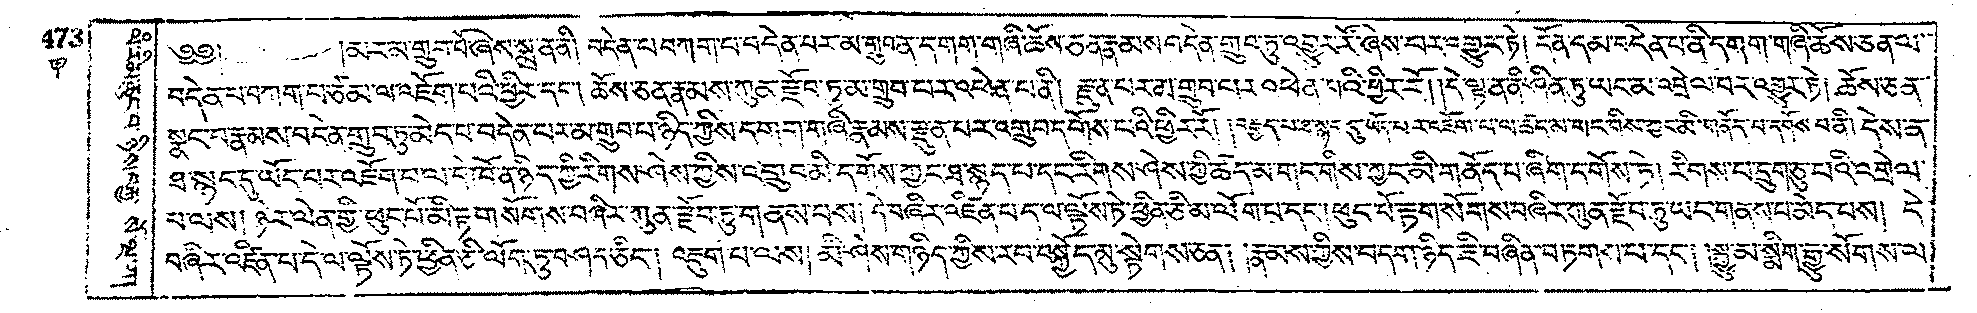༄༅། །མར་མ་གྲུབ་བོ་ཞེས་སྨྲ་ན་ནི། བདེན་པ་བཀག་པ་བདེན་པར་མ་གྲུབ་ན་དགག་གཞི་ཆོས་ཅན་རྣམས་བདེན་གྲུབ་ཏུ་འགྱུར་རོ་ཞེས་པར་འགྱུར་ཏེ། དོན་དམ་བདེན་པ་ནི་དགག་གཞི་ཆོས་ཅན་ལ་
བདེན་པ་བཀག་པ་ཙམ་ལ་འཇོག་པའི་ཕྱིར་དང་། ཆོས་ཅན་རྣམས་ཀུན་རྫོབ་ཏུ་མ་གྲུབ་པར་འཕེན་པ་ནི། རྫུན་པར་མ་གྲུབ་པར་འཕེན་པའི་ཕྱིར་རོ། །དེ་ལྟ་ན་ནི་ཤིན་ཏུ་ཡང་མ་འབྲེལ་པར་འགྱུར་ཏེ། ཆོས་ཅན་
སྣང་བ་རྣམས་བདེན་གྲུབ་ཏུ་མེད་པ་བདེན་པར་མ་གྲུབ་པ་ཉིད་ཀྱིས་དགག་གཞི་རྣམས་རྫུན་པར་འགྲུབ་དགོས་པའི་ཕྱིར་རོ། །བརྒྱད་པ་ཐ་སྙད་དུ་ཡོད་པར་འཇོག་པ་ལ་ཚད་མ་གང་གིས་ཀྱང་མི་གནོད་པ་དགོས་པ་ནི།  དེས་ན་
ཐ་སྙད་དུ་ཡོད་པར་འཇོག་པ་ལ་དེ་ཁོ་ན་ཉིད་ཀྱི་རིགས་ཤེས་ཀྱིས་འགྲུབ་མི་དགོས་ཀྱང་ཐ་སྙད་པ་དང་རིགས་ཤེས་ཀྱི་ཚད་མ་གང་གིས་ཀྱང་མི་གནོད་པ་ཞིག་དགོས་ཏེ། རིགས་པ་དྲུག་ཅུ་པའི་འགྲེལ་
པ་ལས། ཉེར་ལེན་གྱི་ཕུང་པོ་མི་རྟག་སོགས་བཞིར་ཀུན་རྫོབ་ཏུ་གནས་པས། དེ་བཞིར་འཛིན་པ་ད་ལ་ལྟོས་ཏེ་ཕྱིན་ཅི་མ་ལོག་པ་དང་། ཕུང་པོ་རྟག་སོགས་བཞིར་ཀུན་རྫོབ་ཏུ་ཡང་གནས་པ་མེད་པས། དེ་
བཞིར་འཛིན་པ་དེ་ལ་ལྟོས་ཏེ་ཕྱིན་ཅི་ལོག་ཏུ་བཤད་ཅིང་། འཇུག་པ་ལས། མི་ཤེས་གཉིད་ཀྱིས་རབ་བསྐྱོད་མུ་སྟེགས་ཅན། །རྣམས་ཀྱིས་བདག་ཉིད་ཇི་བཞིན་བཏགས་པ་དང་། །སྒྱུ་མ་སྨིག་རྒྱུ་སོགས་ལ་